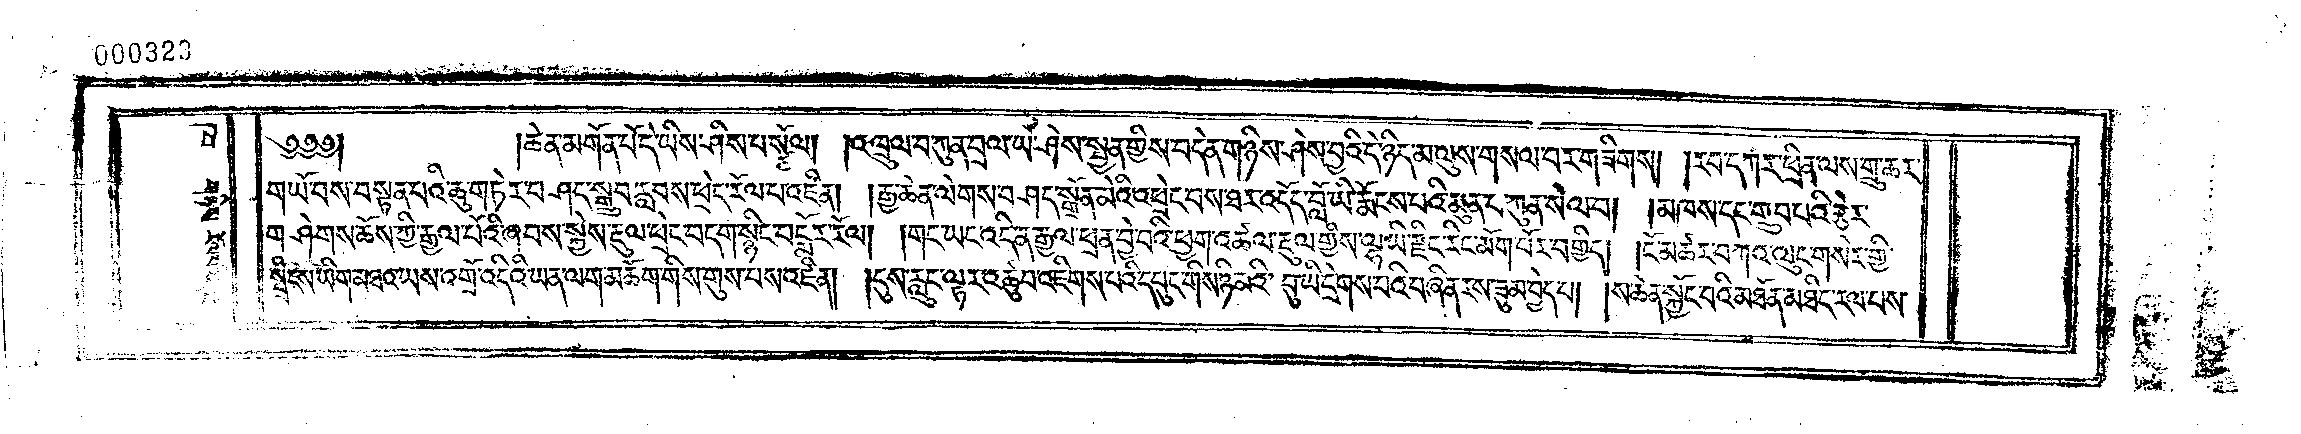༄༅༅། །ཆེན་མགོན་པོ་དེ་ཡིས་ཤིས་པ་སྩོལ། །འཁྲུལ་བ་ཀུན་བྲལ་ཡེ་ཤེས་སྤྱན་གྱིས་བདེན་གཉིས་ཤེས་བྱའི་དེ་ཉིད་མ་ལུས་གསལ་བར་གཟིགས། །རབ་དཀར་ཕྲིན་ལས་གྲུ་ཆར་
གཡོ་བས་བསྟན་པའི་ཆུ་གཏེར་བཤད་སྒྲུབ་རླབས་ཕྲེད་རོལ་པ་འཛིན། །རྒྱ་ཆེན་ལེགས་བཤད་སྒྲོན་མེའི་འཕྲེང་བས་ཐར་འདོད་བློ་ཡི་རྨོངས་པའི་མུན་པ་ཀུན་སེལ་བ། །མཁས་དང་གྲུབ་པའི་རྩེར་
གཤེགས་ཆོས་ཀྱི་རྒྱལ་པོའི་ཞབས་སྐྱེས་རྡུལ་ཕྲེང་བདག་སྙིང་པདམོར་རོལ། །གང་ཡང་འདི་ན་རྒྱལ་ཕྲན་བྱེ་བའི་ཕྱག་འཚལ་རྡུལ་གྱིས་ལྷ་ཡི་རྫིང་རིང་མོག་པོར་བགྱིད། །ངོ་མཚར་བཀའ་ལུང་གསེར་གྱི་
སྤྲིངས་ཡིག་མཐའ་ཡས་འགྲོ་འདིའི་ཡན་ལག་མཆོག་གིས་གུས་པས་འཛིན། །དུས་རླུང་ལྟར་འཚུབ་འཇིགས་པའི་དཔུང་གིས་ཉི་མའི་བུ་ཡི་དྲེགས་པའི་བཞིན་རས་ཟུམ་བྱེད་པ། །ས་ཆེན་སྐྱོང་བའི་མཐོང་མཐིང་རལ་པས་